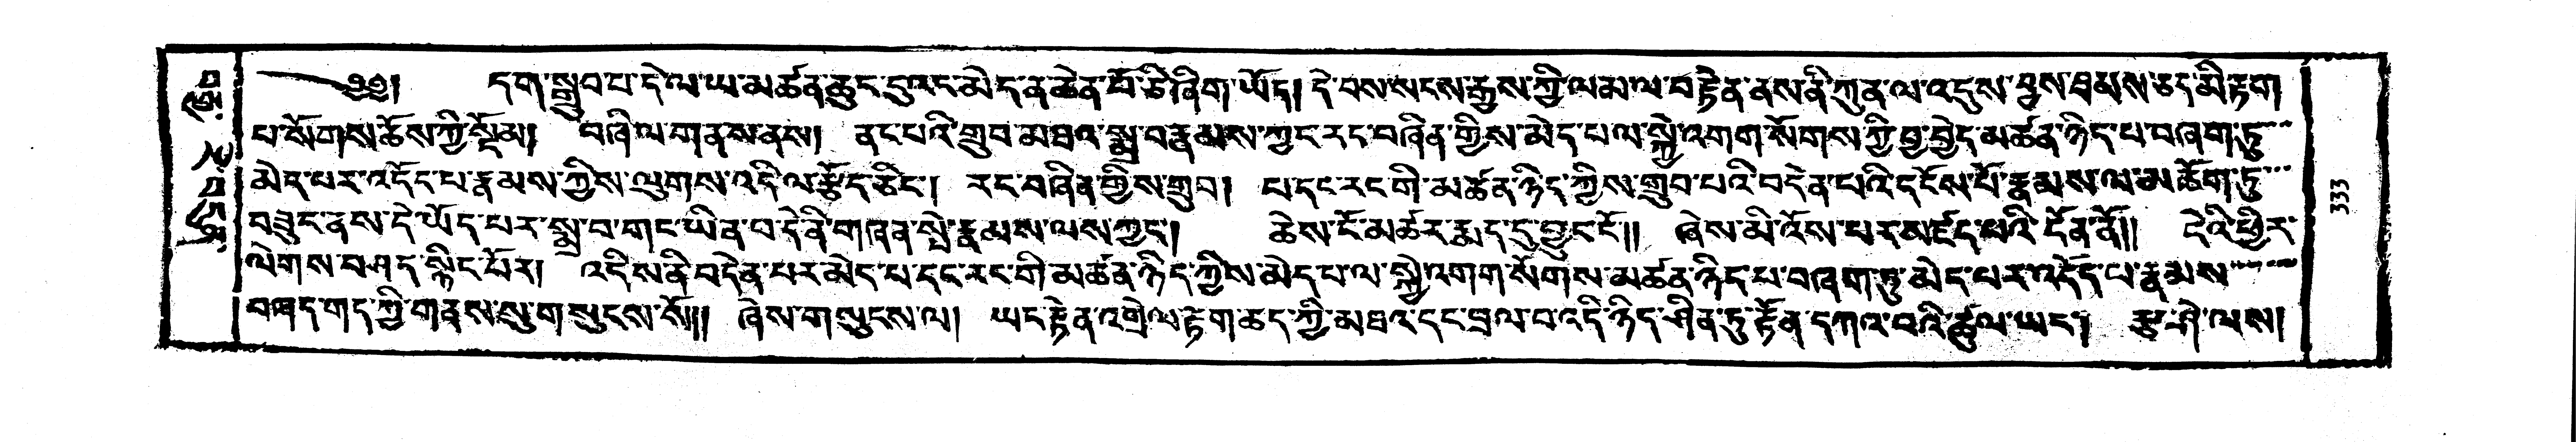༄༅། །དག་སྒྲུབ་པ་དེ་ལ་ཡ་མཚན་ཆུང་ངུའང་མེད་ན་ཆེན་པོ་ཅི་ཞིག་ཡོད། དེ་བས་སངས་རྒྱས་ཀྱི་ལམ་ལ་བརྟེན་ནས་ནི་ཀུན་ལ་འདུས་བྱས་ཐམས་ཅད་མི་རྟག་
པ་སོགས་ཆོས་ཀྱི་སྡོམ། བཞི་ལ་གནས་ནས། ནང་པའི་གྲུབ་མཐའ་སྨྲ་བ་རྣམས་ཀྱང་རང་བཞིན་གྱིས་མེད་པ་ལ་སྐྱེ་འགག་སོགས་ཀྱི་བྱ་བྱེད་མཚན་ཉིད་པ་བཞག་ཏུ་
མེད་པར་འདོད་པ་རྣམས་ཀྱིས་ལུགས་འདི་ལ་རྩོད་ཅིང་། རང་བཞིན་གྱིས་གྲུབ། པ་དང་རང་གི་མཚན་ཉིད་ཀྱིས་གྲུབ་པའི་བདེན་པའི་དངོས་པོ་རྣམས་ལ་མཆོག་ཏུ་
བཟུང་ནས་དེ་ཡོད་པར་སྨྲ་བ་གང་ཡིན་བ་དེ་ནི་གཞན་སྤེ་རྣམས་ལས་ཀྱང་། ཆེས་ངོ་མཚར་རྨད་དུ་བྱུང་ངོ། །ཞེས་མི་འོས་པར་མཛད་པའི་དོན་ནོ། །དེའི་ཕྱིར་
ལེགས་བཤད་སྙིང་པོར། འདིས་ནི་བདེན་པར་མེད་པ་དང་རང་གི་མཚན་ཉིད་ཀྱིས་མེད་པ་ལ་སྐྱེ་འགག་སོགས་མཚན་ཉིད་པ་བཞག་ཏུ་མེད་པར་འདོད་པ་རྣམས་
བཞད་གད་ཀྱི་གནས་སུ་གསུངས་སོ། །ཞེས་གསུངས་ལ། ཡང་རྟེན་འགྲེལ་རྟག་ཆད་ཀྱི་མཐའ་དང་བྲལ་བ་འདི་ཉིད་ཤིན་ཏུ་རྟོན་དཀའ་བའི་ཚུལ་ཡང་། རྩ་ཤེ་ལས།